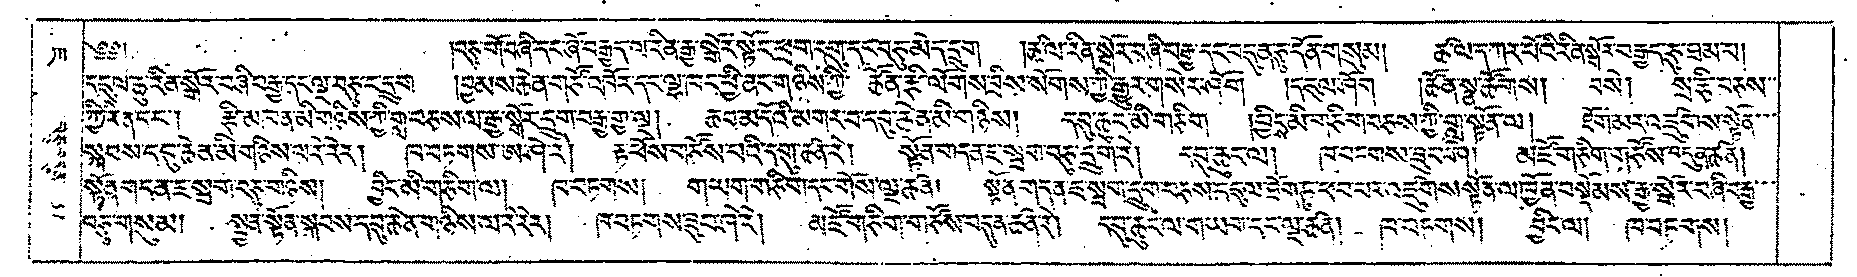༄༅། །བཅུ་གོ་བཞི་དང་ཞོ་བརྒྱད་ལ་རིན་རྒྱ་སྒོར་སྟོང་ཕྲག་དགུ་དང་བཅུ་མེད་དྲུག །ཚ་ལ་རིན་སྒོར་བཞི་བརྒྱ་དང་བདུན་ཅུ་དོན་གསུམ། ཚ་ལ་དཀར་པོའི་རིན་སྒོར་བརྒྱད་ཅུ་ཐམ་པ།
དངུལ་ཆུ་རིན་སྒོར་བཞི་བརྒྱ་དང་ལྔ་བཅུ་ང་དྲུག །བྱམས་ཆེན་གཙོ་འཁོར་དང་ལྷ་ཁང་ཕྱི་ནང་གཉིས་ཀྱི་ཚོན་རྩི་ལོགས་བྲིས་སོགས་ཀྱི་རྒྱུར་གསེར་ཤོག །དངུལ་ཤོག །ཚོན་སྣ་ཚོགས། བསེ། སྲ་རྩི་བཅས་
ཀྱི་རིན་དང་། རྩི་མཁན་མི་གཉིས་ཀྱི་གླ་བཅས་ལ་རྒྱ་སྒོར་དྲུག་བརྒྱ་གྱ་ལྔ། ཆབ་མདོའི་མགར་བ་དབུ་ཆེན་མི་གཉིས། དབུ་ཆུང་མི་གཅིག །བྱིངས་མི་གཅིག་བཅས་ཀྱི་གླ་སྟོན་ལ། ཐོག་མར་འཛུགས་སྟོན་
སྐབས་དབུ་ཆེན་མི་གཉིས་ལ་རེ་རེར། ཁ་བཏགས་ཨ་ཤེ་རེ། རྟ་ཕོས་གཙོས་པའི་དགུ་ཚན་རེ། སྟོན་གདན་ཇ་སྦག་བཅུ་དྲུག་རེ། དབུ་ཆུང་ལ། ཁ་བཏགས་ཟུབ་ཤེ། མཛོ་གཅིག་གཙོས་བདུན་ཚན།
སྟོན་གདན་ཇ་སྦག་བཅུ་གཉིས། བྱིང་མི་གཅིག་ལ། ཁ་བཏགས། གཡག་གཅིག་དང་གོས་ལྔ་ཚན། སྟོན་གདན་ཇ་སྦག་དྲུག་བཅས་དངུལ་ཐོག་ཏུ་ཕབ་པར་འཛུགས་སྟོན་ལ་ཁྱོན་བསྡོམས་རྒྱ་སྒོར་བཞི་བརྒྱ་
བཅུ་གསུམ། སྤྱན་སྟོན་སྐབས་དབུ་ཆེན་གཉིས་ལ་རེ་རེར། ཁ་བཏགས་ཟུབ་ཤེ་རེ། མཛོ་གཅིག་གཙོས་བདུན་ཚན་རེ། དབུ་ཆུང་ལ་གཡག་དང་ལྔ་ཚན། ཁ་བཏགས། བྱིང་ལ། ཁ་བཏགས།